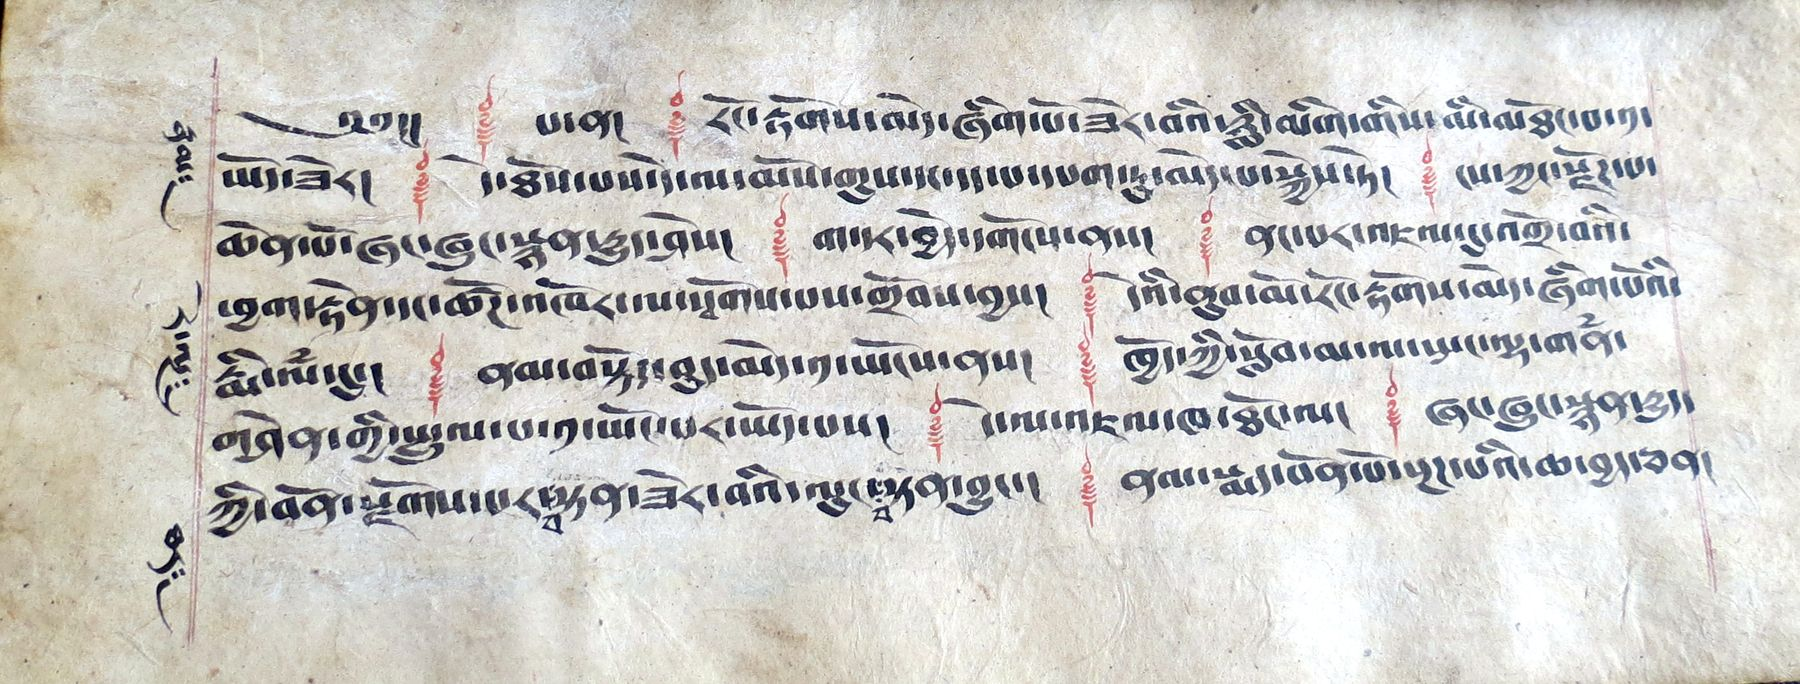པ་ན། རོང་རྟོག་མེད་ཞིག་པོ་ཟེར་བའི་ཉི་ཟླ་མིག་གིས་མི་མཐོང་བ་ཞིག་
ཡོད་ཟེར། དེ་ཐོས་པས་དེ་ལ་མོས་གུས་དང་དད་པ་དཔག་ཏུ་མེད་པ་སྐྱེས་ཏེ། ངས་ཀྱང་རྫོགས་པ་
ཆེན་པོ་ཞང་ཞུང་སྙན་རྒྱུད་ཤེས། ག་དར་བྱེད་དགོངས་ནས། ནངས་པར་མཇལ་དུ་འགྲོ་བའི་
ཕྱག་རྟེན་དང་། ཚོགས་འཁོར་ལས་སོགས་པའི་གྲབས་བྱས། དེའི་ནུབ་མོ་རོང་རྟོག་མེད་ཞིག་པོའི་
རྨི་ལམ་དུ། ནམ་སྟོད་བུད་མེད་ཅིག་ཡོང་ནས་ཁྱེད་ཀྱི་སློབ་མ་ལ་སྤང་ལྷ་ནམ་
གཤེན་གྱི་སྤྲུལ་པ་ཞིག་ཡོང་པར་ཡོད་པས། དེ་དང་མཇལ་ཁ་ཐོང་ལ་ཞང་ཞུང་སྙན་རྒྱུད་
ཀྱི་བོན་རྫོགས་པར་སྟོན་ཟེར་བའི་ལུང་སྟོན་བྱུང་། ནམ་སྨད་བོན་པོ་སྔགས་པའི་ཆ་བྱད་ཅན།